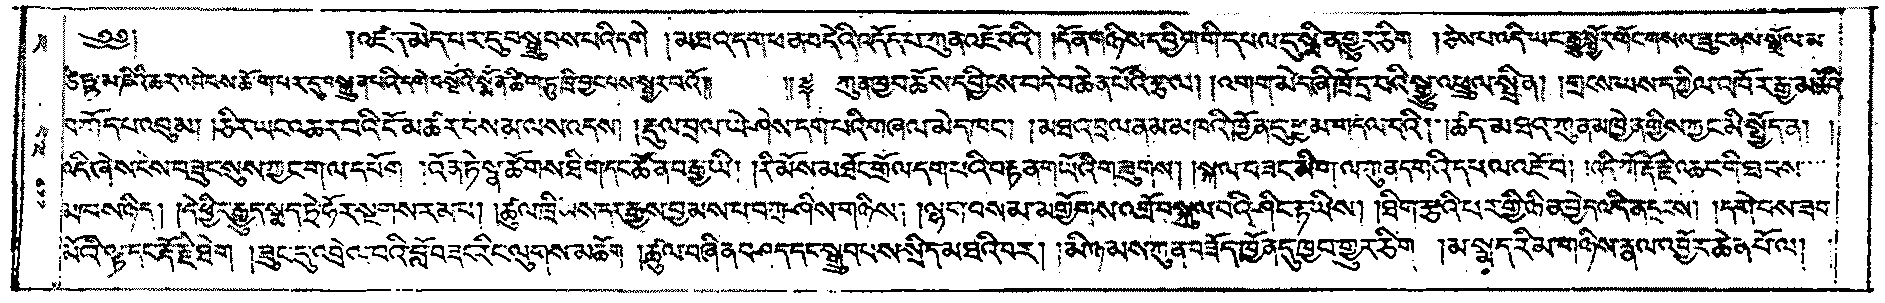༄༅། །འཛད་མེད་པར་དུ་བསྒྲུབས་པའི་དགེ །མཐའ་དག་ཕན་བདེའི་འདོད་པ་ཀུན་འཇོ་བའི། །དོན་གཉིས་དབྱིག་གི་དཔལ་དུ་སྨིན་གྱུར་ཅིག །ཅེས་པ་འདི་ཡང་རྒྱུ་སྦྱོར་གོང་གསལ་ཟུང་ནས་སྒྲོལ་མ་
ཙིཏྟ་མ་ཎིའི་ཆར་འབེབས་ཆོ་ག་པར་དུ་བསྐྲུན་པའི་དགེ་བསྔོའི་སྨོན་ཚིག་ཏུ་ཁྲི་བྱང་པས་སྦྱར་བའོ།། །། ༈ ཀུན་ཁྱབ་ཆོས་དབྱིངས་བདེ་བ་ཆེན་པོའི་རྩལ། །འགག་མེད་ཞི་ཁྲོ་དྲ་བའི་སྒྱུ་འཕྲུལ་སྤྲིན། །གྲངས་ཡས་དཀྱིལ་འཁོར་རྒྱ་མཚོའི་
བཀོད་པ་འབུམ། །ཅིར་ཡང་འཆར་བའི་ངོ་མཚར་བསམ་ལས་འདས། །རྡུལ་བྲལ་ཡེ་ཤེས་དག་པའི་གཞལ་མེད་ཁང་། །མཐའ་བྲལ་ནམ་མཁའི་ཁྱོན་དུ་ཕྱམ་གདལ་བའི། །ཚད་མཐའ་ཀུན་མཁྱེན་གྱིས་ཀྱང་མི་སྤྱོད་ན། །
འདི་ཞེས་ངེས་བཟུང་སུས་ཀྱང་ག་ལ་དཔོག །འོན་ཏེ་སྣ་ཚོགས་ཐིག་དང་ཚོན་བརྒྱ་ཡི། །རི་མོས་མཐོང་གྲོལ་དག་པའི་བརྟན་གཡོའི་གཟུགས། །སྐལ་བཟང་མིག་ལ་ཀུན་དགའི་དཔལ་འཇོ་བ། །འདི་ཀོ་རྡོ་རྗེ་འཆང་གི་ཐབས་
མཁས་ཉིད། །དེ་ཕྱིར་རྒྱུད་སྨད་ཏྲེ་ཧོར་སྔགས་རམ་པ། །ཚུལ་ཁྲིམས་དར་རྒྱས་བྱམས་པ་བཀྲ་ཤིས་གཉིས། །ལྷག་བསམ་མགྱོགས་འགྲོ་བསྐུལ་བའི་ཤིང་རྟ་ཡིས། །ཐིག་རྩའི་པར་གྱི་ཉིན་བྱེད་འདི་ན་དྲངས། །དགེ་བས་ཟབ་
མོའི་ལྟ་དང་རྡོ་རྗེ་ཐེག །ཟུང་དུ་འབྲེལ་བའི་བློ་བཟང་རིང་ལུགས་མཆོག །ཚུལ་བཞིན་བཤད་དང་སྒྲུབ་པས་སྲིད་མཐའི་བར། །མི་ཉམས་ཀུན་བཟོད་ཁྱོན་དུ་ཁྱབ་གྱུར་ཅིག །མ་སྨད྾་རིམ་གཉིས་རྣལ་འབྱོར་ཆེན་པོ་ལ། །